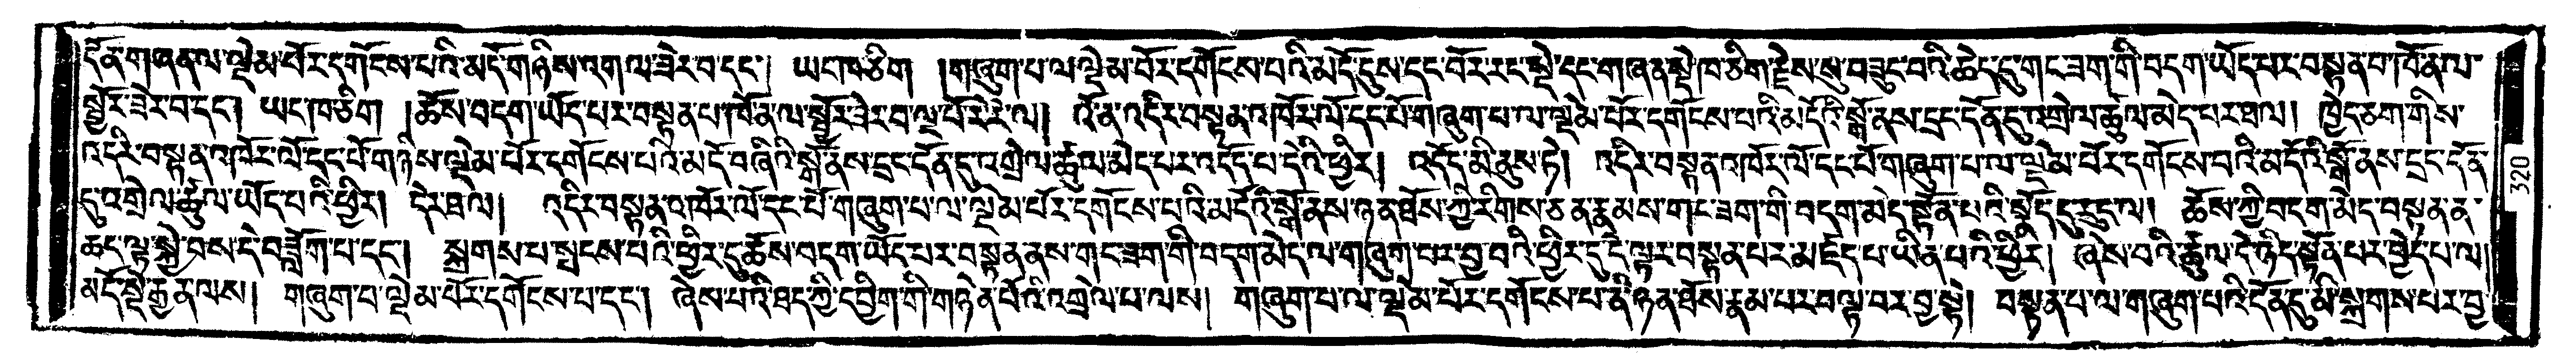དོན་གཞན་ལ་ལྡེམ་པོར་དགོངས་པའི་མདོ་གཉིས་འགལ་ཟེར་བ་དང་། ཡང་ཁ་ཅིག །གཞུག་པ་ལ་ལྡེམ་པོར་དགོངས་པའི་མདོ་དུས་དང་པོར་རང་སྡེ་དང་གཞན་སྡེ་ཁ་ཅིག་རྗེས་སུ་བཟུང་བའི་ཆེད་དུ་གང་ཟག་གི་བདག་ཡོད་པར་བསྟན་པ་ཁོ་ན་ལ་
སྦྱོར་ཟེར་བ་དང་། ཡང་ཁ་ཅིག །ཆོས་བདག་ཡོད་པར་བསྟན་པ་ཁོ་ན་ལ་སྦྱོར་ཟེར་བ་ལྔ་པོ་རེ་རེ་ལ། འོ་ན་འདིར་བསྟན་འཁོར་ལོ་དང་པོ་གཞུག་པ་ལ་ལྡེམ་པོར་དགོངས་པའི་མདོའི་སྒོ་ནས་དྲང་དོན་དུ་འགྲེལ་ཚུལ་མེད་པར་ཐལ། ཁྱེད་ཅག་གིས་
འདིར་བསྟན་འཁོར་ལོ་དང་པོ་གཉིས་ལྡེམ་པོར་དགོངས་པའི་མདོ་བཞིའི་སྒོ་ནས་དྲང་དོན་དུ་འགྲེལ་ཚུལ་མེད་པར་འདོད་པ་དེའི་ཕྱིར། འདོད་མི་ནུས་ཏེ། འདིར་བསྟན་འཁོར་ལོ་དང་པོ་གཞུག་པ་ལ་ལྡེམ་པོར་དགོངས་པའི་མདོའི་སྒོ་ནས་དྲང་དོན་
དུ་འགྲེལ་ཚུལ་ཡོད་པའི་ཕྱིར། དེར་ཐལ། འདིར་བསྟན་འཁོར་ལོ་དང་པོ་གཞུག་པ་ལ་ལྡེམ་པོར་དགོངས་པའི་མདོའི་སྒོ་ནས་ཉན་ཐོས་ཀྱི་རིགས་ཅན་རྣམས་གང་ཟག་གི་བདག་མེད་སྟོན་པའི་སྣོད་དུ་རུང་ལ། ཆོས་ཀྱི་བདག་མེད་བསྟན་ན་
ཆད་ལྟ་སྐྱེ་བས་དེ་བཟློག་པ་དང་། སྐྲགས་པ་སྤངས་པའི་ཕྱིར་དུ་ཆོས་བདག་ཡོད་པར་བསྟན་ནས་གང་ཟག་གི་བདག་མེད་ལ་གཞུག་པར་བྱ་བའི་ཕྱིར་དུ་དེ་ལྟར་བསྟན་པར་མཛད་པ་ཡིན་པའི་ཕྱིར། ཞེས་པའི་ཚུལ་དེ་ཉིད་སྟོན་པར་བྱེད་པ་ལ།
མདོ་སྡེ་རྒྱན་ལས། གཞུག་པ་ལྡེམ་པོར་དགོངས་པ་དང་། ཞེས་པའི་ཐད་ཀྱི་དབྱིག་གི་གཉེན་པོའི་འགྲེལ་པ་ལས། གཞུག་པ་ལ་ལྡེམ་པོར་དགོངས་པ་ནི་ཉན་ཐོས་རྣམ་པར་བལྟ་བར་བྱ་སྟེ། བསྟན་པ་ལ་གཞུག་པའི་དོན་དུ་མི་སྐྲགས་པར་བྱ་